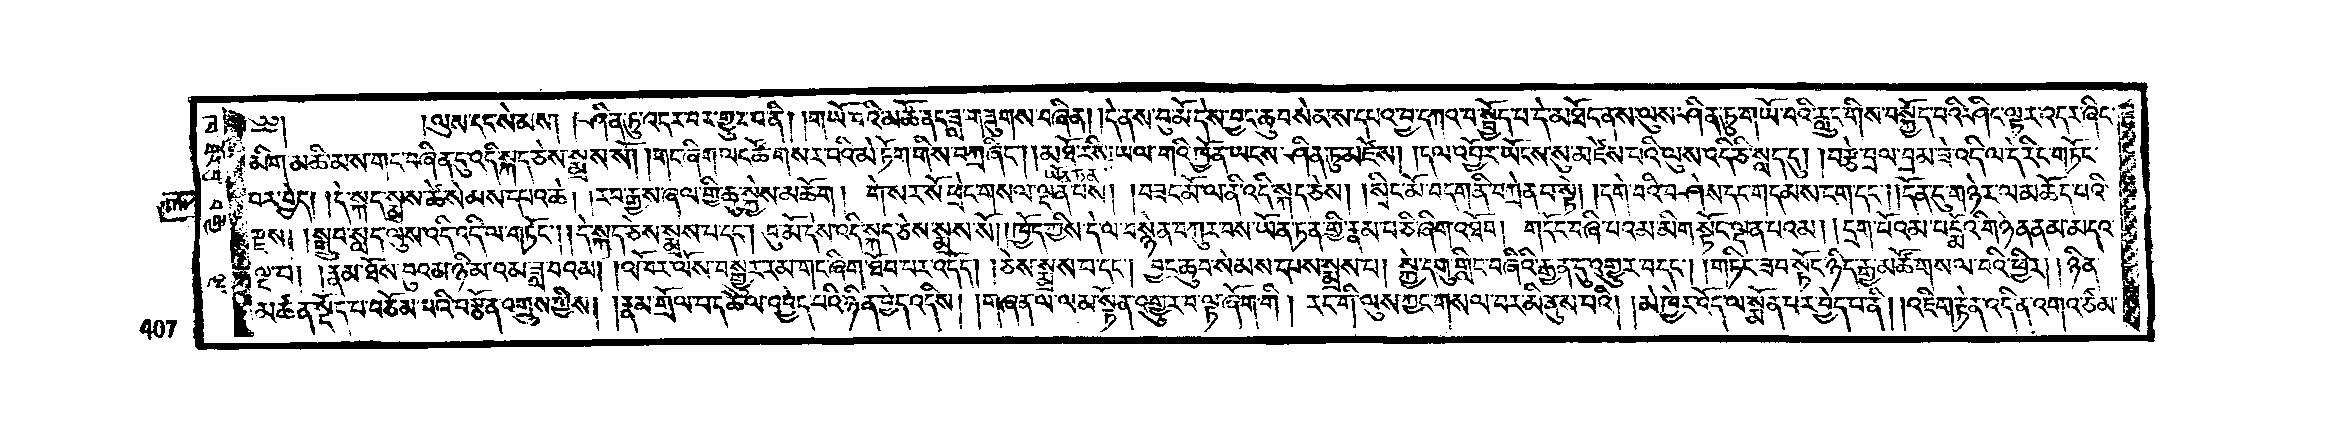༄༅། །ལུས་དང་སེམས། །ཤིན་ཏུ་འདར་བར་གྱུར་བ་ནི། །གཡོ་བའི་མཚོ་ནང་ཟླ་གཟུགས་བཞིན། །དེ་ནས་བུ་མོ་དེས་བྱང་ཆུབ་སེམས་དཔའ་བྱ་དཀའ་བ་སྤྱོད་པ་དེ་མཐོང་ནས་ལུས་ཤིན་ཏུ་གཡོ་བའི་རླུང་གིས་བསྐྱོད་པའི་ཤིང་ལྟར་འདར་ཞིང་
མིག་མཆི་མས་གང་བཞིན་དུ་འདི་སྐད་ཅེས་སྨྲས་སོ། །གང་ཞིག་ལང་ཚོ་གསར་བའི་མེ་ཏོག་གིས་བཀྲ་ཞིང་། །མཐོ་རིས་ཡོན་ཏན་ཡལ་གའི་ཁྱོན་ཡངས་ཤིན་ཏུ་མཛེས། །དལ་འབྱོར་ཡོངས་སུ་མཛེས་པའི་ལུས་འདི་ཅི་སླད་དུ། །བརྩེ་བྲལ་བྲམ་ཟེ་འདི་ལ་དེ་རིང་གཏོང་
བར་བྱེད། །དེ་སྐད་སྨྲས་ཚེ་སེམས་དཔའ་ཆེ། །རབ་རྒྱས་ཞལ་གྱི་ཆུ་སྐྱེས་མཆོག། གེ་སར་སོ་ཕྲེང་གསལ་ལྡན་པས། །བཟང་མོ་ལ་ནི་འདི་སྐད་ཅེས། །སྲིང་མོ་བདག་ནི་བཀྲེན་པ་སྟེ། །དགེ་བའི་བཤེས་དང་གདམས་ངག་དང་། །དོན་དུ་གཉེར་ལ་མཆོད་པའི་
རྫས། །སྒྲུབ་སླད་ལུས་འདི་འདི་ལ་གཏོང་། །དེ་སྐད་ཅེས་སྨྲས་པ་དང་། བུ་མོ་དེས་འདི་སྐད་ཅེས་སྨྲས་སོ། །ཁྱོད་ཀྱིས་དེ་ལ་བསྙེན་བཀུར་བས་ཡོན་ཏན་གྱི་རྣམ་པ་ཅི་ཞིག་འཐོབ། གདོང་བཞི་པའམ་མིག་སྟོང་ལྡན་པའམ། །དྲག་པོའམ་པདམོའི་གཉེན་ནམ་མདའ་
ལྔ་པ། །རྣམ་ཐོས་བུའམ་ཉི་མ་འམ་ཟླ་བ་འམ། །འཁོར་ལོས་བསྒྱུར་རམ་གང་ཞིག་ཐོབ་པར་འདོད། །ཅེས་སྨྲས་པ་དང་། བྱང་ཆུབ་སེམས་དཔས་སྨྲས་པ། སྐྱེ་དགུ་གླིང་བཞིའི་རྒྱན་དུ་འགྱུར་བ་དང་། །གཏིང་ཟབ་སྟོང་ཉིད་རྒྱ་མཚོ་གསལ་བའི་ཕྱིར། །ཉིན་
མཚན་སྡོད་པ་བཅོམ་པའི་བརྩོན་འགྲུས་ཀྱིས། །རྣམ་གྲོལ་པད་ཆེལ་འབྱེད་པའི་ཉིན་བྱེད་འདིས། །གཞན་ལ་ལམ་སྟོན་འགྱུར་བ་ལྟ་ཞོག་གི །རང་གི་ལུས་ཀྱང་གསལ་བར་མི་ནུས་པའི། །མེ་ཁྱེར་འོད་ལ་སྨོན་པར་བྱེད་པ་ནི། །འཇིག་རྟེན་འདི་ན་འགའ་ཙམ་